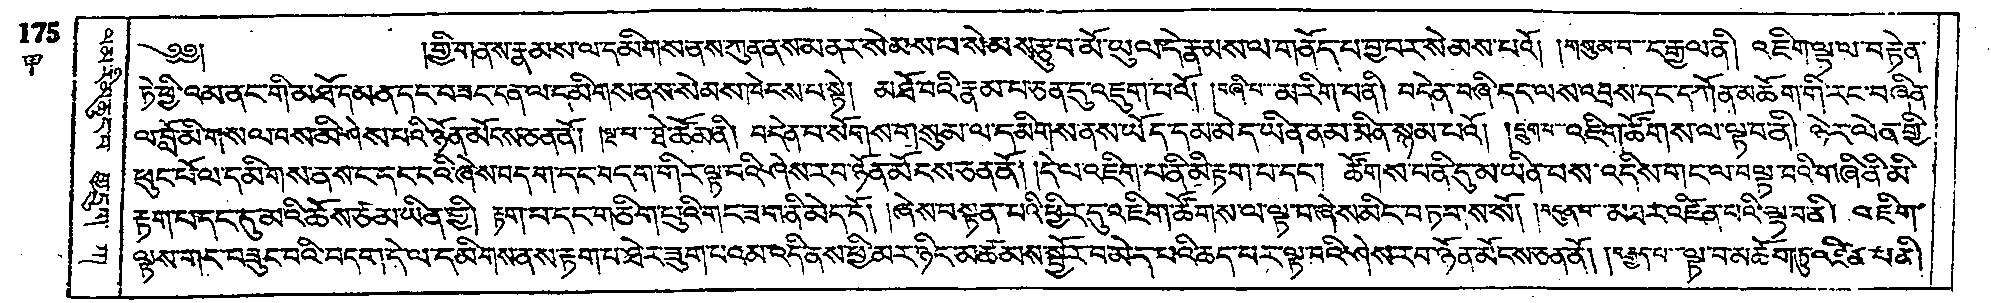༄༅། །གྱི་གནས་རྣམས་ལ་དམིགས་ནས་ཀུན་ནས་མནར་སེམས་པ་སེམས་རྩུབ་མོ་ཡུལ་དེ་རྣམས་ལ་གནོད་པ་བྱ་བར་སེམས་པའོ། །གསུམ་པང་རྒྱལ་ནི། འཇིག་ལྟ་ལ་བརྟེན་
ཏེ་ཕྱི་འམ་ནང་གི་མཐོ་དམན་དང་བཟང་ངན་ལ་དམིགས་ནས་སེམས་ཁེངས་པ་སྟེ། མཐོ་བའི་རྣམ་པ་ཅན་དུ་འཇུག་པའོ། །བཞི་པམ་རིག་པ་ནི། བདེན་བཞི་དང་ལས་འབྲས་དང་དཀོན་མཆོག་གི་རང་བཞིན་
ལ་བློ་མི་གསལ་བས་མི་ཤེས་པའི་ཉོན་མོངས་ཅན་ནོ། །ལྔ་པཐེ་ཚོམ་ནི། བདེན་པ་སོགས་གསུམ་ལ་དམིགས་ནས་ཡོད་དམ་མེད་ཡིན་ནམ་མིན་སྙམ་པའོ། །དྲུག་པའཇིག་ཚོགས་ལ་ལྟ་བ་ནི། ཉེར་ལེན་གྱི་
ཕུང་པོ་ལ་དམིགས་ནས་ང་དང་ངའི་ཞེས་བདག་དང་བདག་གིར་ལྟ་བའི་ཤེས་རབ་ཉོན་མོངས་ཅན་ནོ། །དེ་ལ་འཇིག་པ་ནི་མི་རྟག་པ་དང་། ཚོགས་པ་ནི་དུ་མ་ཡིན་པས་འདིས་གང་ལ་བལྟ་བའི་གཞི་ནི་མི་
རྟག་པ་དང་དུ་མའི་ཆོས་ཙམ་ཡིན་གྱི། རྟག་པ་དང་གཅིག་པུའི་གང་ཟག་ནི་མེད་དོ། །ཞེས་བསྟན་པའི་ཕྱིར་དུ་འཇིག་ཚོགས་ལ་ལྟ་བ་ཞེས་མིང་བཏགས་སོ། ། བདུན་པམཐར་འཛིན་པའི་ལྟ་བ་ནི། འཇིག་
ལྟས་གང་བཟུང་བའི་བདག་དེ་ལ་དམིགས་ནས་རྟག་པ་ཐེར་ཟུག་པའམ་འདི་ནས་ཕྱི་མར་ཉིང་མཚམས་སྦྱོར་བ་མེད་པའི་ཆད་པར་ལྟ་བའི་ཤེས་རབ་ཉོན་མོངས་ཅན་ནོ། ། བརྒྱད་པལྟ་བ་མཆོག་ཏུ་འཛིན་པ་ནི།